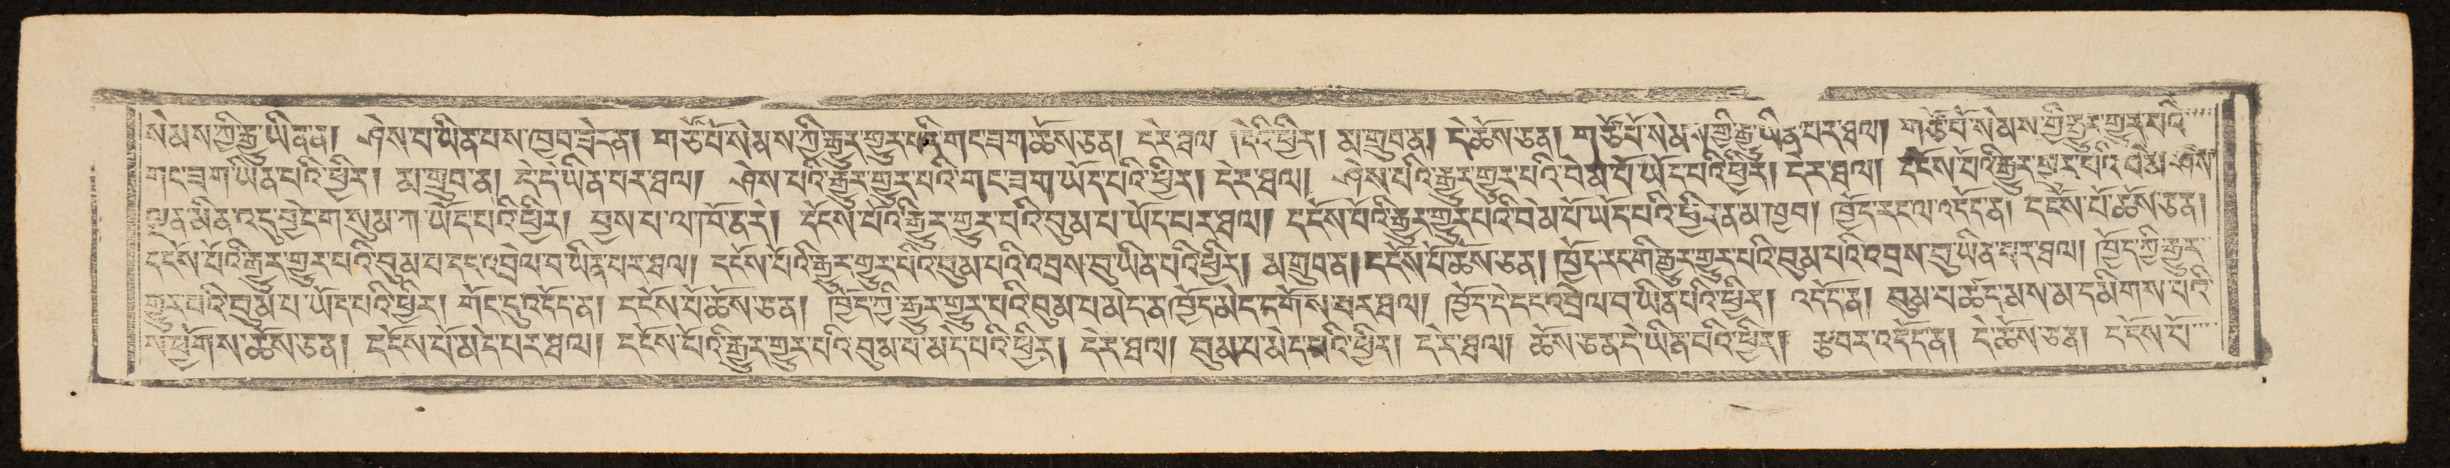སེམས་ཀྱི་རྒྱུ་ཡིན་ན། ཤེས་པ་ཡིན་པས་ཁྱབ་ཟེར་ན། གཙོ་བོ་སེམས་ཀྱི་རྒྱུར་གྱུར་པའི་གང་ཟག་ཆོས་ཅན། དེར་ཐལ། དེའི་ཕྱིར། མ་གྲུབ་ན། དེ་ཆོས་ཅན། གཙོ་བོ་སེམས་ཀྱི་རྒྱུ་ཡིན་པར་ཐལ། གཙོ་བོ་སེམས་ཀྱི་རྒྱུར་གྱུར་པའི་
གང་ཟག་ཡིན་པའི་ཕྱིར། མ་གྲུབ་ན། དེ་དེ་ཡིན་པར་ཐལ། ཤེས་པའི་རྒྱུར་གྱུར་པའི་གང་ཟག་ཡོད་པའི་ཕྱིར། དེར་ཐལ། ཤེས་པའི་རྒྱུར་གྱུར་པའི་བེམ་པོ་ཡོད་པའི་ཕྱིར། དེར་ཐལ། དངོས་པོའི་རྒྱུར་གྱུར་པའི་བེམ་ཤེས་
ལྡན་མིན་འདུ་བྱེད་གསུམ་ཀ་ཡོད་པའི་ཕྱིར། བྱས་པ་ལ་ཁོ་ན་རེ། དངོས་པོའི་རྒྱུར་གྱུར་པའི་བུམ་པ་ཡོད་པར་ཐལ། དངོས་པོའི་རྒྱུར་གྱུར་པའི་བེམ་པོ་ཡོད་པའི་ཕྱིར་ན་མ་ཁྱབ། ཁྱོད་རང་ལ་འདོད་ན། དངོས་པོ་ཆོས་ཅན།
དངོས་པོའི་རྒྱུར་གྱུར་པའི་བུམ་པ་དང་འབྲེལ་བ་ཡིན་པར་ཐལ། དངོས་པོའི་རྒྱུར་གྱུར་པའི་བུམ་པའི་འབྲས་བུ་ཡིན་པའི་ཕྱིར། མ་གྲུབ་ན། དངོས་པོ་ཆོས་ཅན། ཁྱོད་རང་གི་རྒྱུར་གྱུར་པའི་བུམ་པའི་འབྲས་བུ་ཡིན་པར་ཐལ། ཁྱོད་ཀྱི་རྒྱུར་
གྱུར་པའི་བུམ་པ་ཡོད་པའི་ཕྱིར། གོང་དུ་འདོད་ན། དངོས་པོ་ཆོས་ཅན། ཁྱོད་ཀྱི་རྒྱུར་གྱུར་པའི་བུམ་པ་མེད་ན་ཁྱོད་མེད་དགོས་པར་ཐལ། ཁྱོད་དེ་དང་འབྲལ་བ་ཡིན་པའི་ཕྱིར། འདོད་ན། བུམ་པ་ཚད་མས་མ་དམིགས་པའི་
ས་ཕྱོགས་ཆོས་ཅན། དངོས་པོ་མེད་པར་ཐལ། དངོས་པོའི་རྒྱུར་གྱུར་པའི་བུམ་པ་མེད་པའི་ཕྱིར། དེར་ཐལ། བུམ་པ་མེད་པའི་ཕྱིར། དེར་ཐལ། ཆོས་ཅན་དེ་ཡིན་པའི་ཕྱིར། རྩ་བར་འདོད་ན། དེ་ཆོས་ཅན། དངོས་པོ་